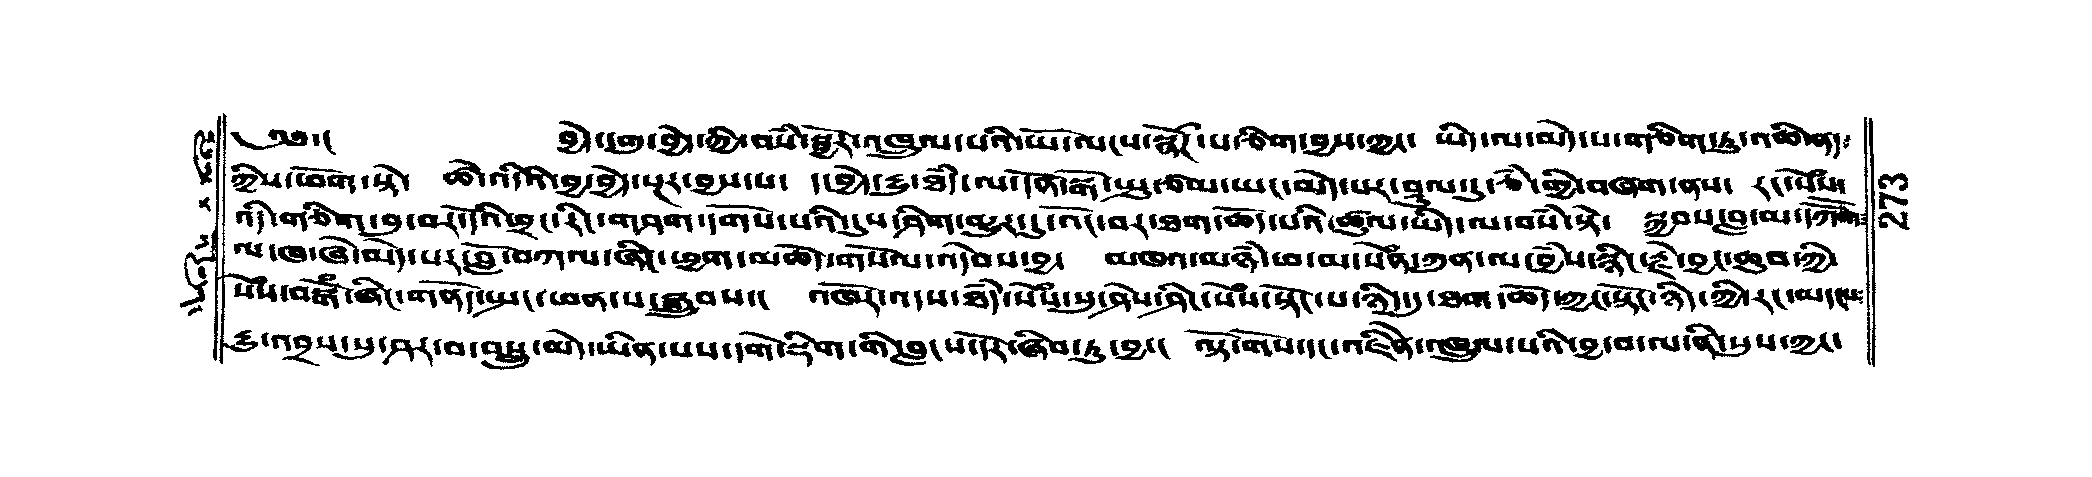བྱེད་དགུ་བྱེད་ཀྱི་བསམ་སྦྱོར་འཁྲུལ་པའི་ཡོ་ལངས་སྣ་ཚོགས་པ་ཅི་བྱས་ཀྱང་། ཡིད་ལ་མེད་པ་གཅིག་ཏུ་འཆི་ནད་
ཀྱིས་ཕོག་སྟེ།ཚེ་འདིའི་བྱ་བྱེད་སྔར་བྱས་པ་དང་། ད་བྱེད་རྒྱུ་ཐམས་ཅད་ལ་དོན་སྒོ་སྤུ་ཙམ་ཡང་མེད་པར་ཤུལ་དུ་ཅམ་གྱི་བཞག་ནས། རང་སེམས་
འདི་གཅིག་བུ་བར་དོའི་ཕྲང་རིང་གཤག་དགོས་པའི་དུས་ཤིག་མྱུར་དུ་འོང་བར་ཐག་ཆོད་པའི་ཚུལ་ཡིད་ལ་བསམ་སྟེ། སྐྱབས་བླ་མ་དཀོན་མཆོག་
ལ་ཁ་ཞེ་མེད་པར་བློ་བཀལ་ཞིང་ཕྱག་མཆོད་གསོལ་འདེབས་བྱ། མཁའ་མཉམ་ཕ་མ་སེམས་ཅན་ཀུན་ལ་བྱམས་སྙིང་རྗེ་བྱང་ཆུབ་ཀྱི་
སེམས་བསྒོམ་ཞིང་གནོད་སྤང་ཕན་པ་སྒྲུབས། འཁོར་འདས་ཐམས་ཅད་སེམས་སུ་ཤེས་ཤིང་སེམས་སྟོང་པ་ཉིད་དུ་ཐག་ཆོད་ཀྱང་སྟོང་ཉིད་ཀྱི་རང་མདངས་
རྒྱུ་འབྲས་སུ་ཤར་བ་བསླུ་མེད་ཡིན་པས་དགེ་སྡིག་གི་བླང་དོར་ཞིབ་ཏུ་བྱ། ལྟོ་གོས་དང་འཇིག་རྟེན་འཁྲུལ་པའི་བྱ་བ་ལ་ནི་སུས་ཀྱང་